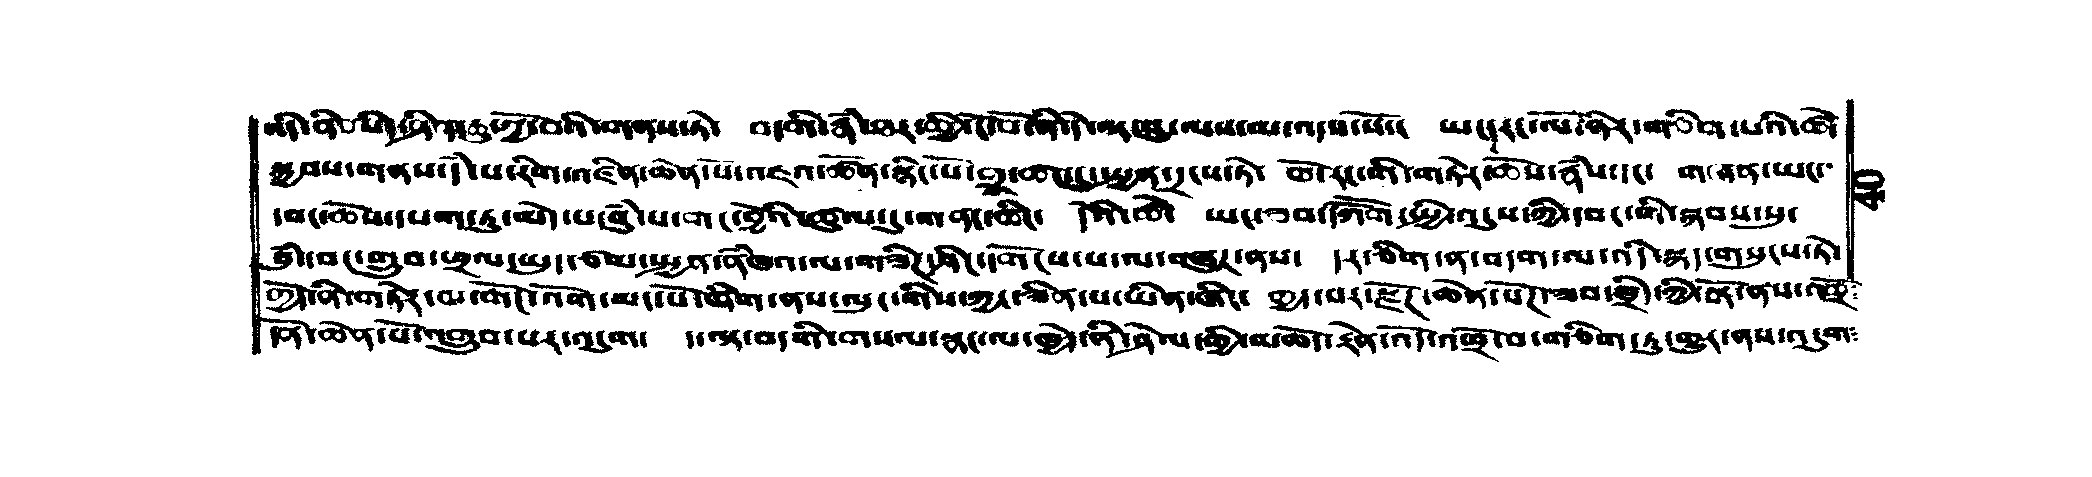འདི་ནི་ཡིད་ཤིན་ཏུ་སྐྱོ་བའི་གནས་ཏེ། བདག་གི་རྣམ་ཐར་གྱི་ངོ་བོ་ནི་དེ་ལྟ་བུ་ལས་མ་འདས་སོ། ཡང་རང་ལོ་ཉེར་གཅིག་པའི་ཚེ་
སྐྱབས་གནས་དམ་པ་རིག་འཛིན་ཆེན་པོ་འཇའ་ཚོན་སྙིང་པོ་གྲྭ་ཚང་དུ་སྤྱན་དྲངས་ཏེ། ཁོ་རང་གི་གཏེར་ཆོས་རྣམས་དང་། གཞན་ཡང་
དབང་ཆོས་དཔག་ཏུ་མེད་པ་བུམ་པ་གང་བྱོའི་ཚུལ་དུ་གནང་ཞིང་། དེའི་ཚེ། ཡང་ཟབ་དཀོན་མཆོག་སྤྱི་འདུས་ཀྱི་དབང་གི་སྐབས་སུ་
བུམ་དབང་གྲུབ་ཕྲལ་ཡུད་ཙམ་སྤྱན་ནམ་མཁའ་ལ་གཟིགས་ཤིང་དགོངས་པ་ལ་བཞུགས་ནས། དར་ཅིག་ན་བདག་ལ་འདི་སྐད་གསུངས་ཏེ། 
ཁྱོད་ནི་གཏེར་ཁ་གོང་འོག་མང་པོ་ཞིག་ནས་ལུང་གིས་ཀྱང་ཟིན་པ་ཡིན་ཞིང་། ཁྱད་པར་རྫོགས་ཆེན་སོགས་ཟབ་ཁྲིད་ཀྱི་སྒོ་ནས་འགྲོ་
དོན་ཆེན་པོ་འགྲུབ་པར་འདུགད་ལྟ་བདག་གི་གསལ་སྣང་ལ་ཁྱེད་ནི་ཤེལ་གྱི་མཆོད་རྟེན་འོད་འཕྲོ་བ་གཅིག་ཏུ་གྱུར་ནས་འདུག